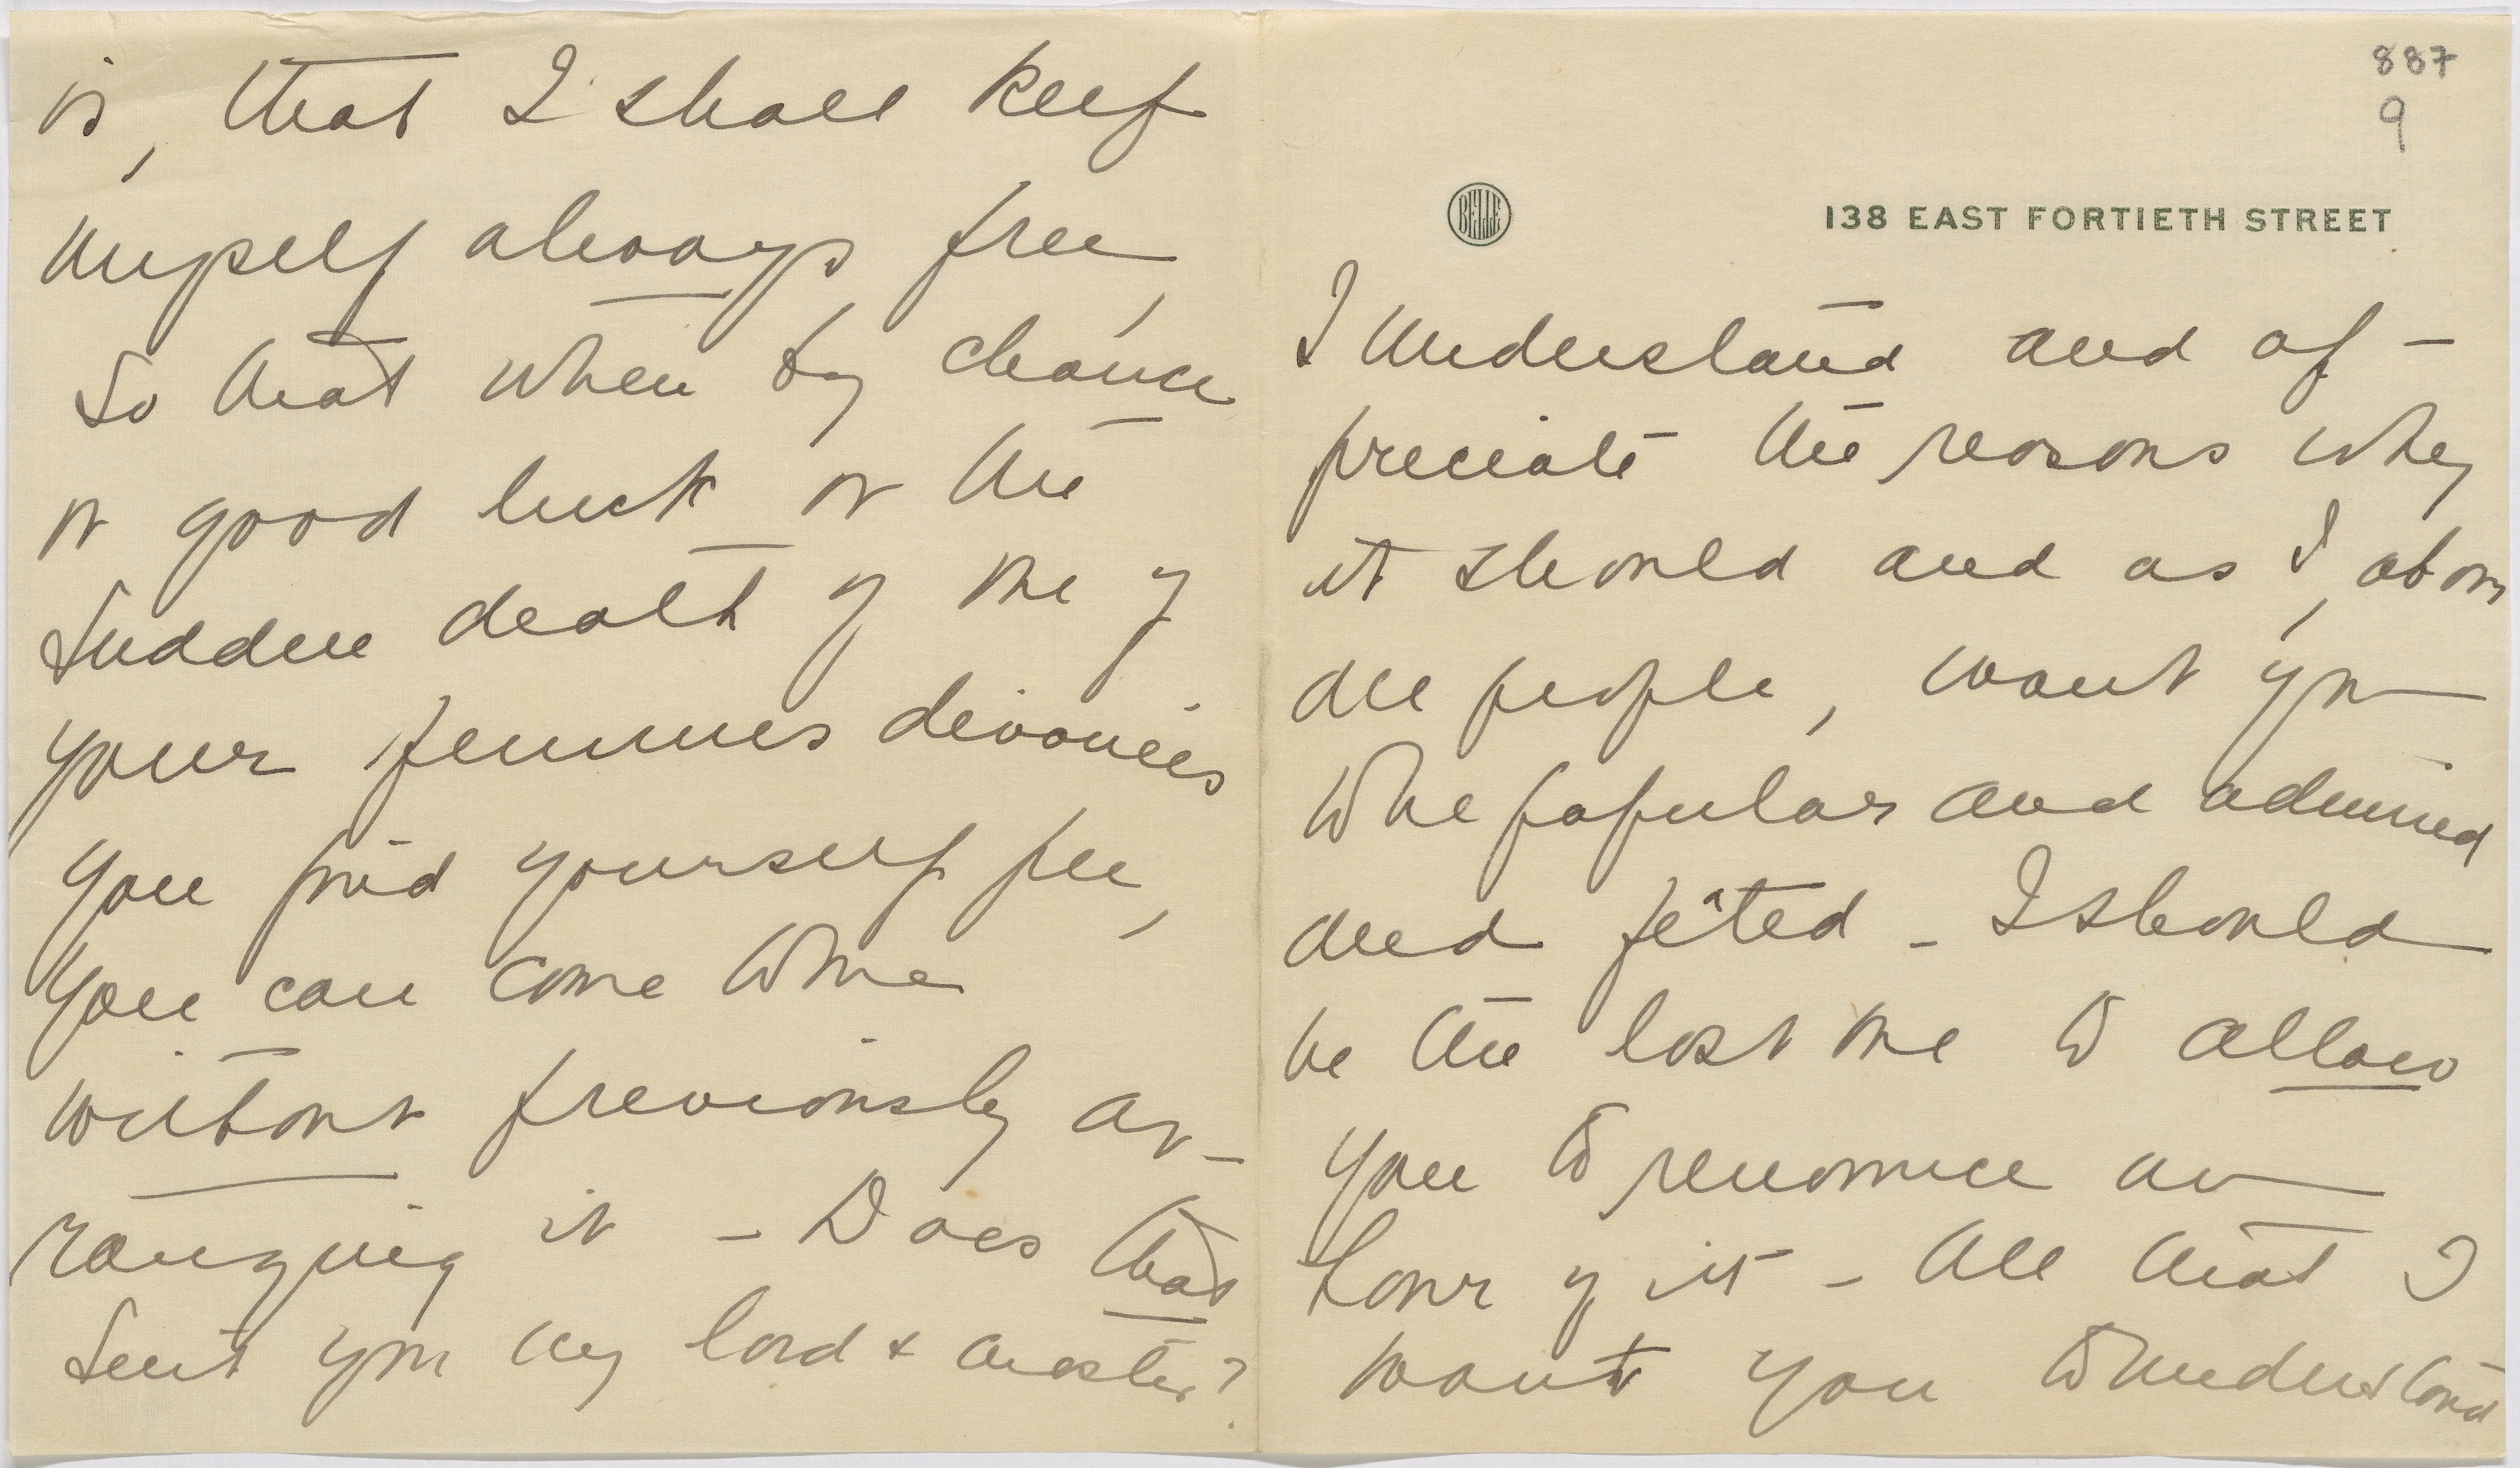I understand and appreciate the reasons why it should and as I above all people, want you to be popular and admired and fêted – I should be the last one to allow you to renounce an hour of it – All that I want you to understand
is, that I shall keep myself always free so that when by chance or good luck or the sudden death of one of your femmes devouées you find yourself free, you can come to me without previously arranging it – Does that suit you my lord & master?